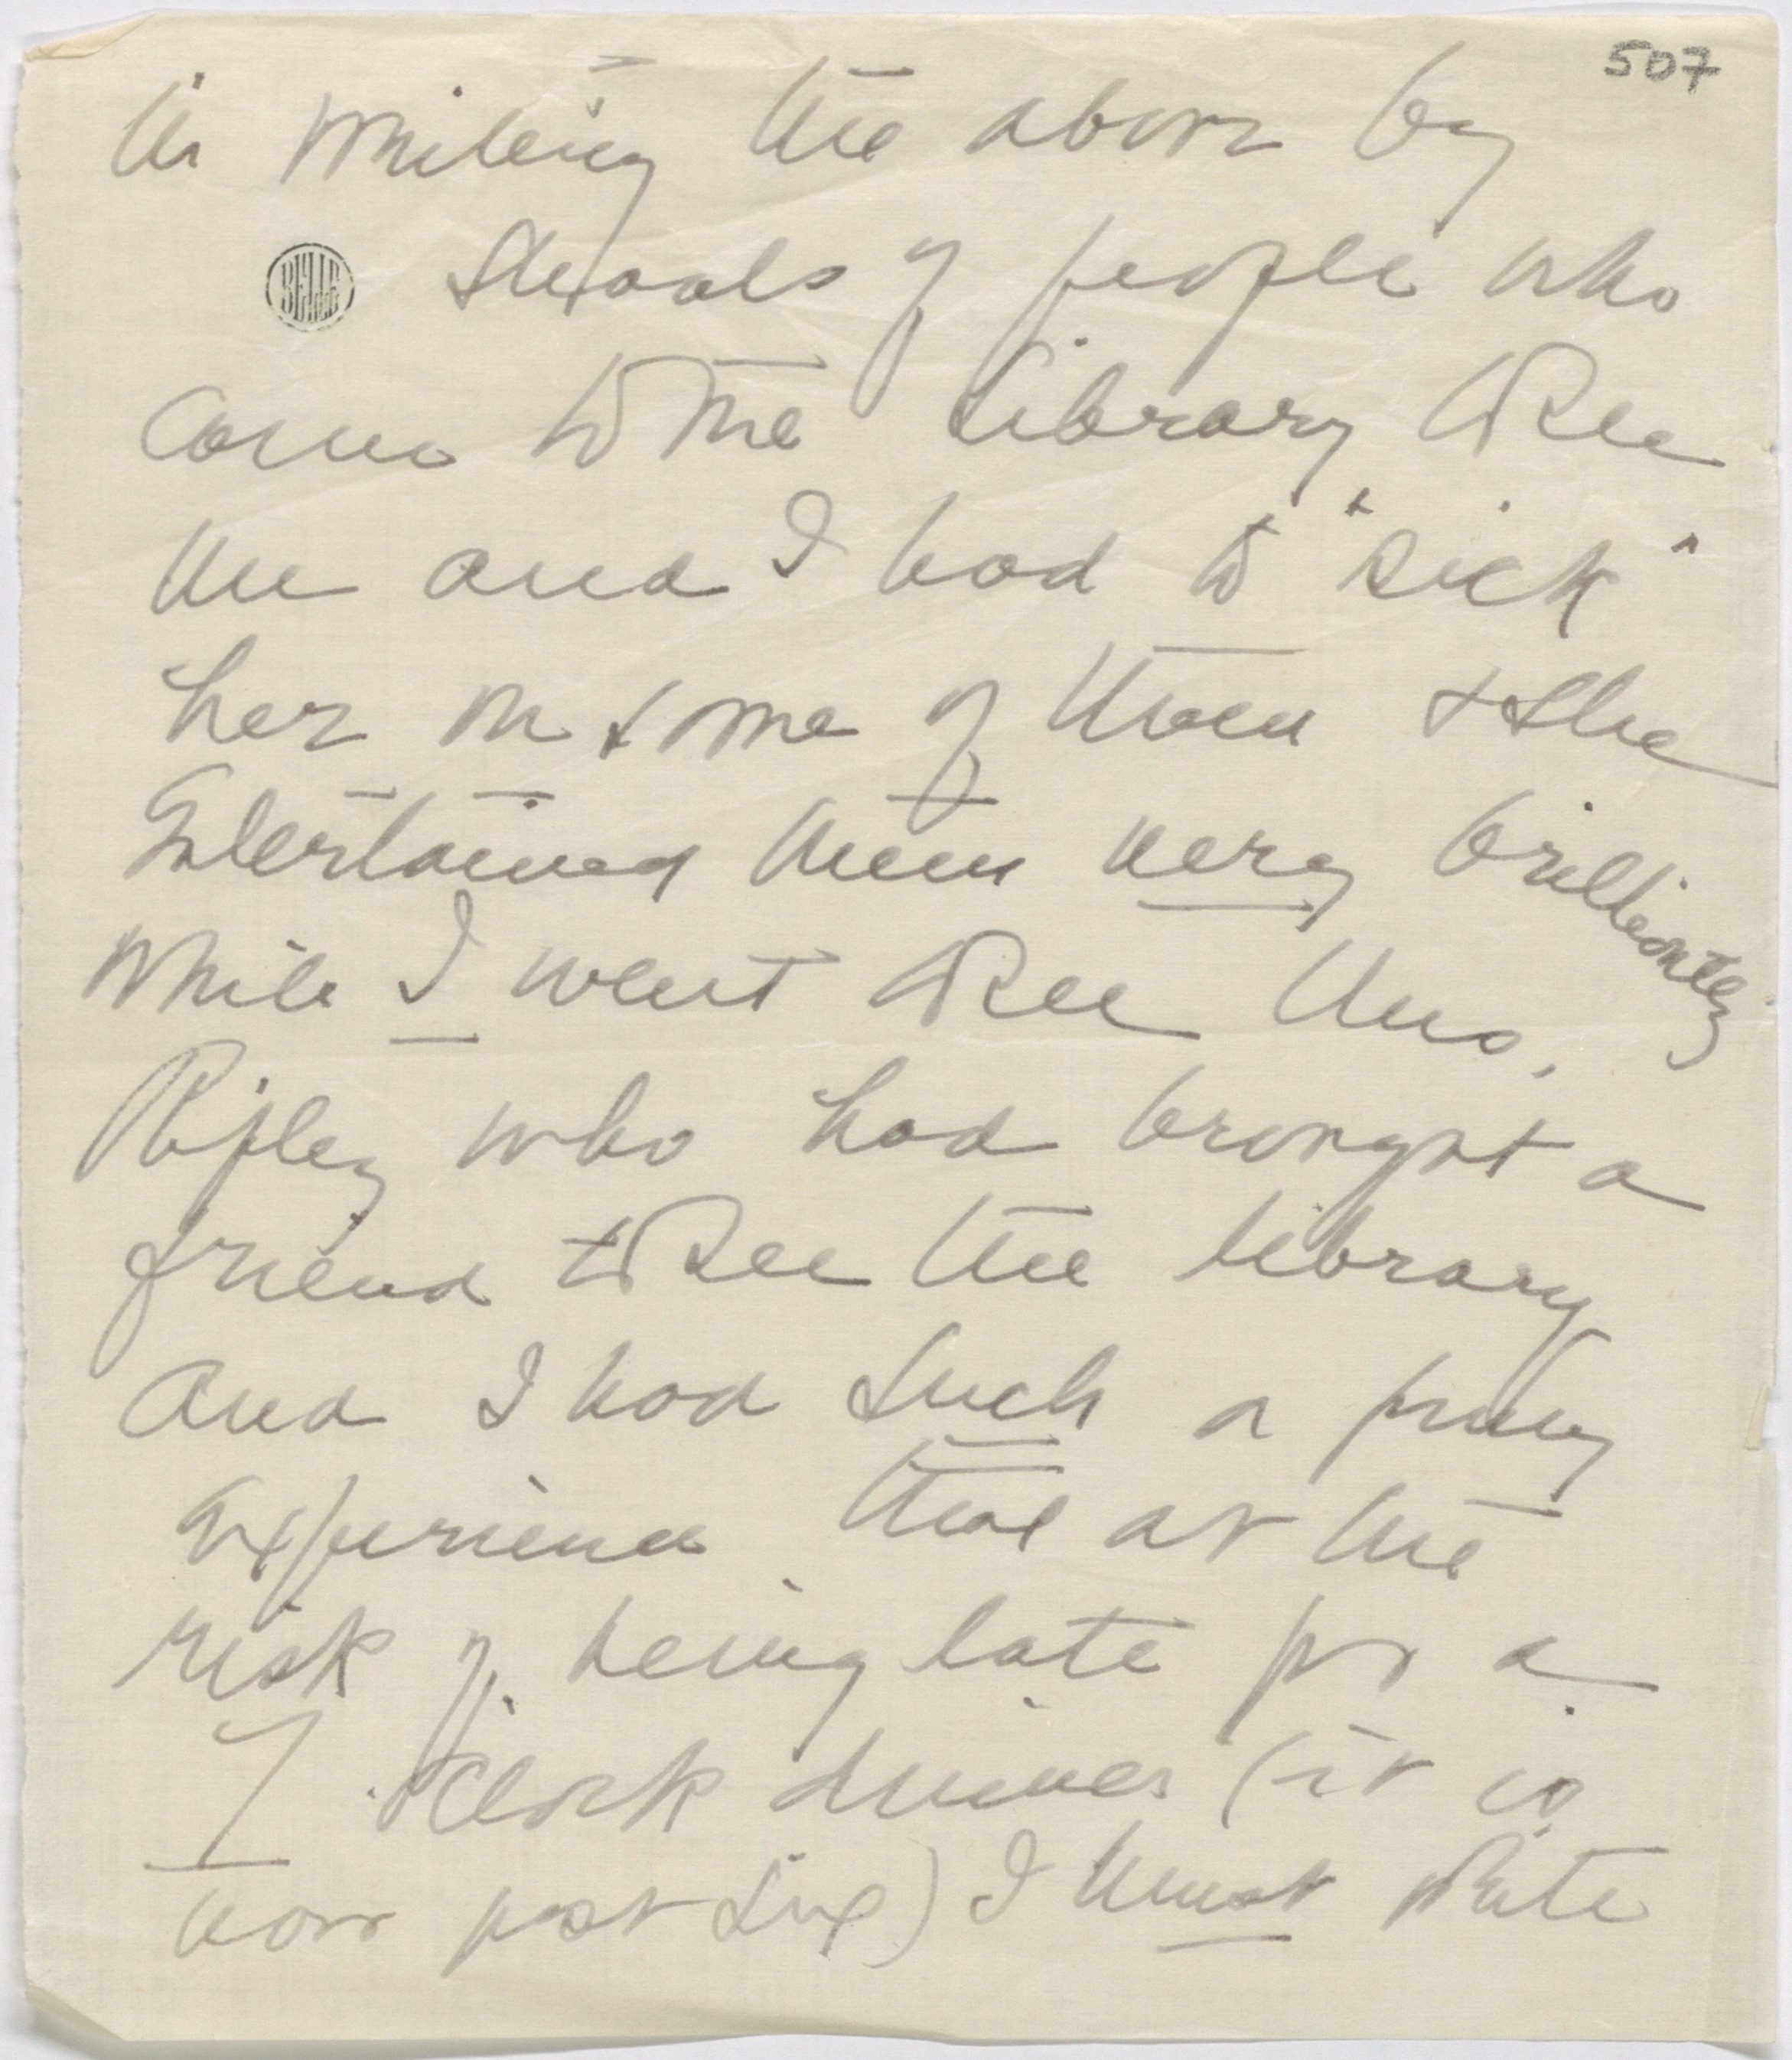in writing the above by shoals of people who came to the Library to see me and I had to “sick” her on some of them & she entertained them very brilliantly while I went to see Mrs. Ripley who had brought a friend to see the library and I had such a funny experience that at the risk of being late for a 7 o’clock dinner (it is now past six) I must write